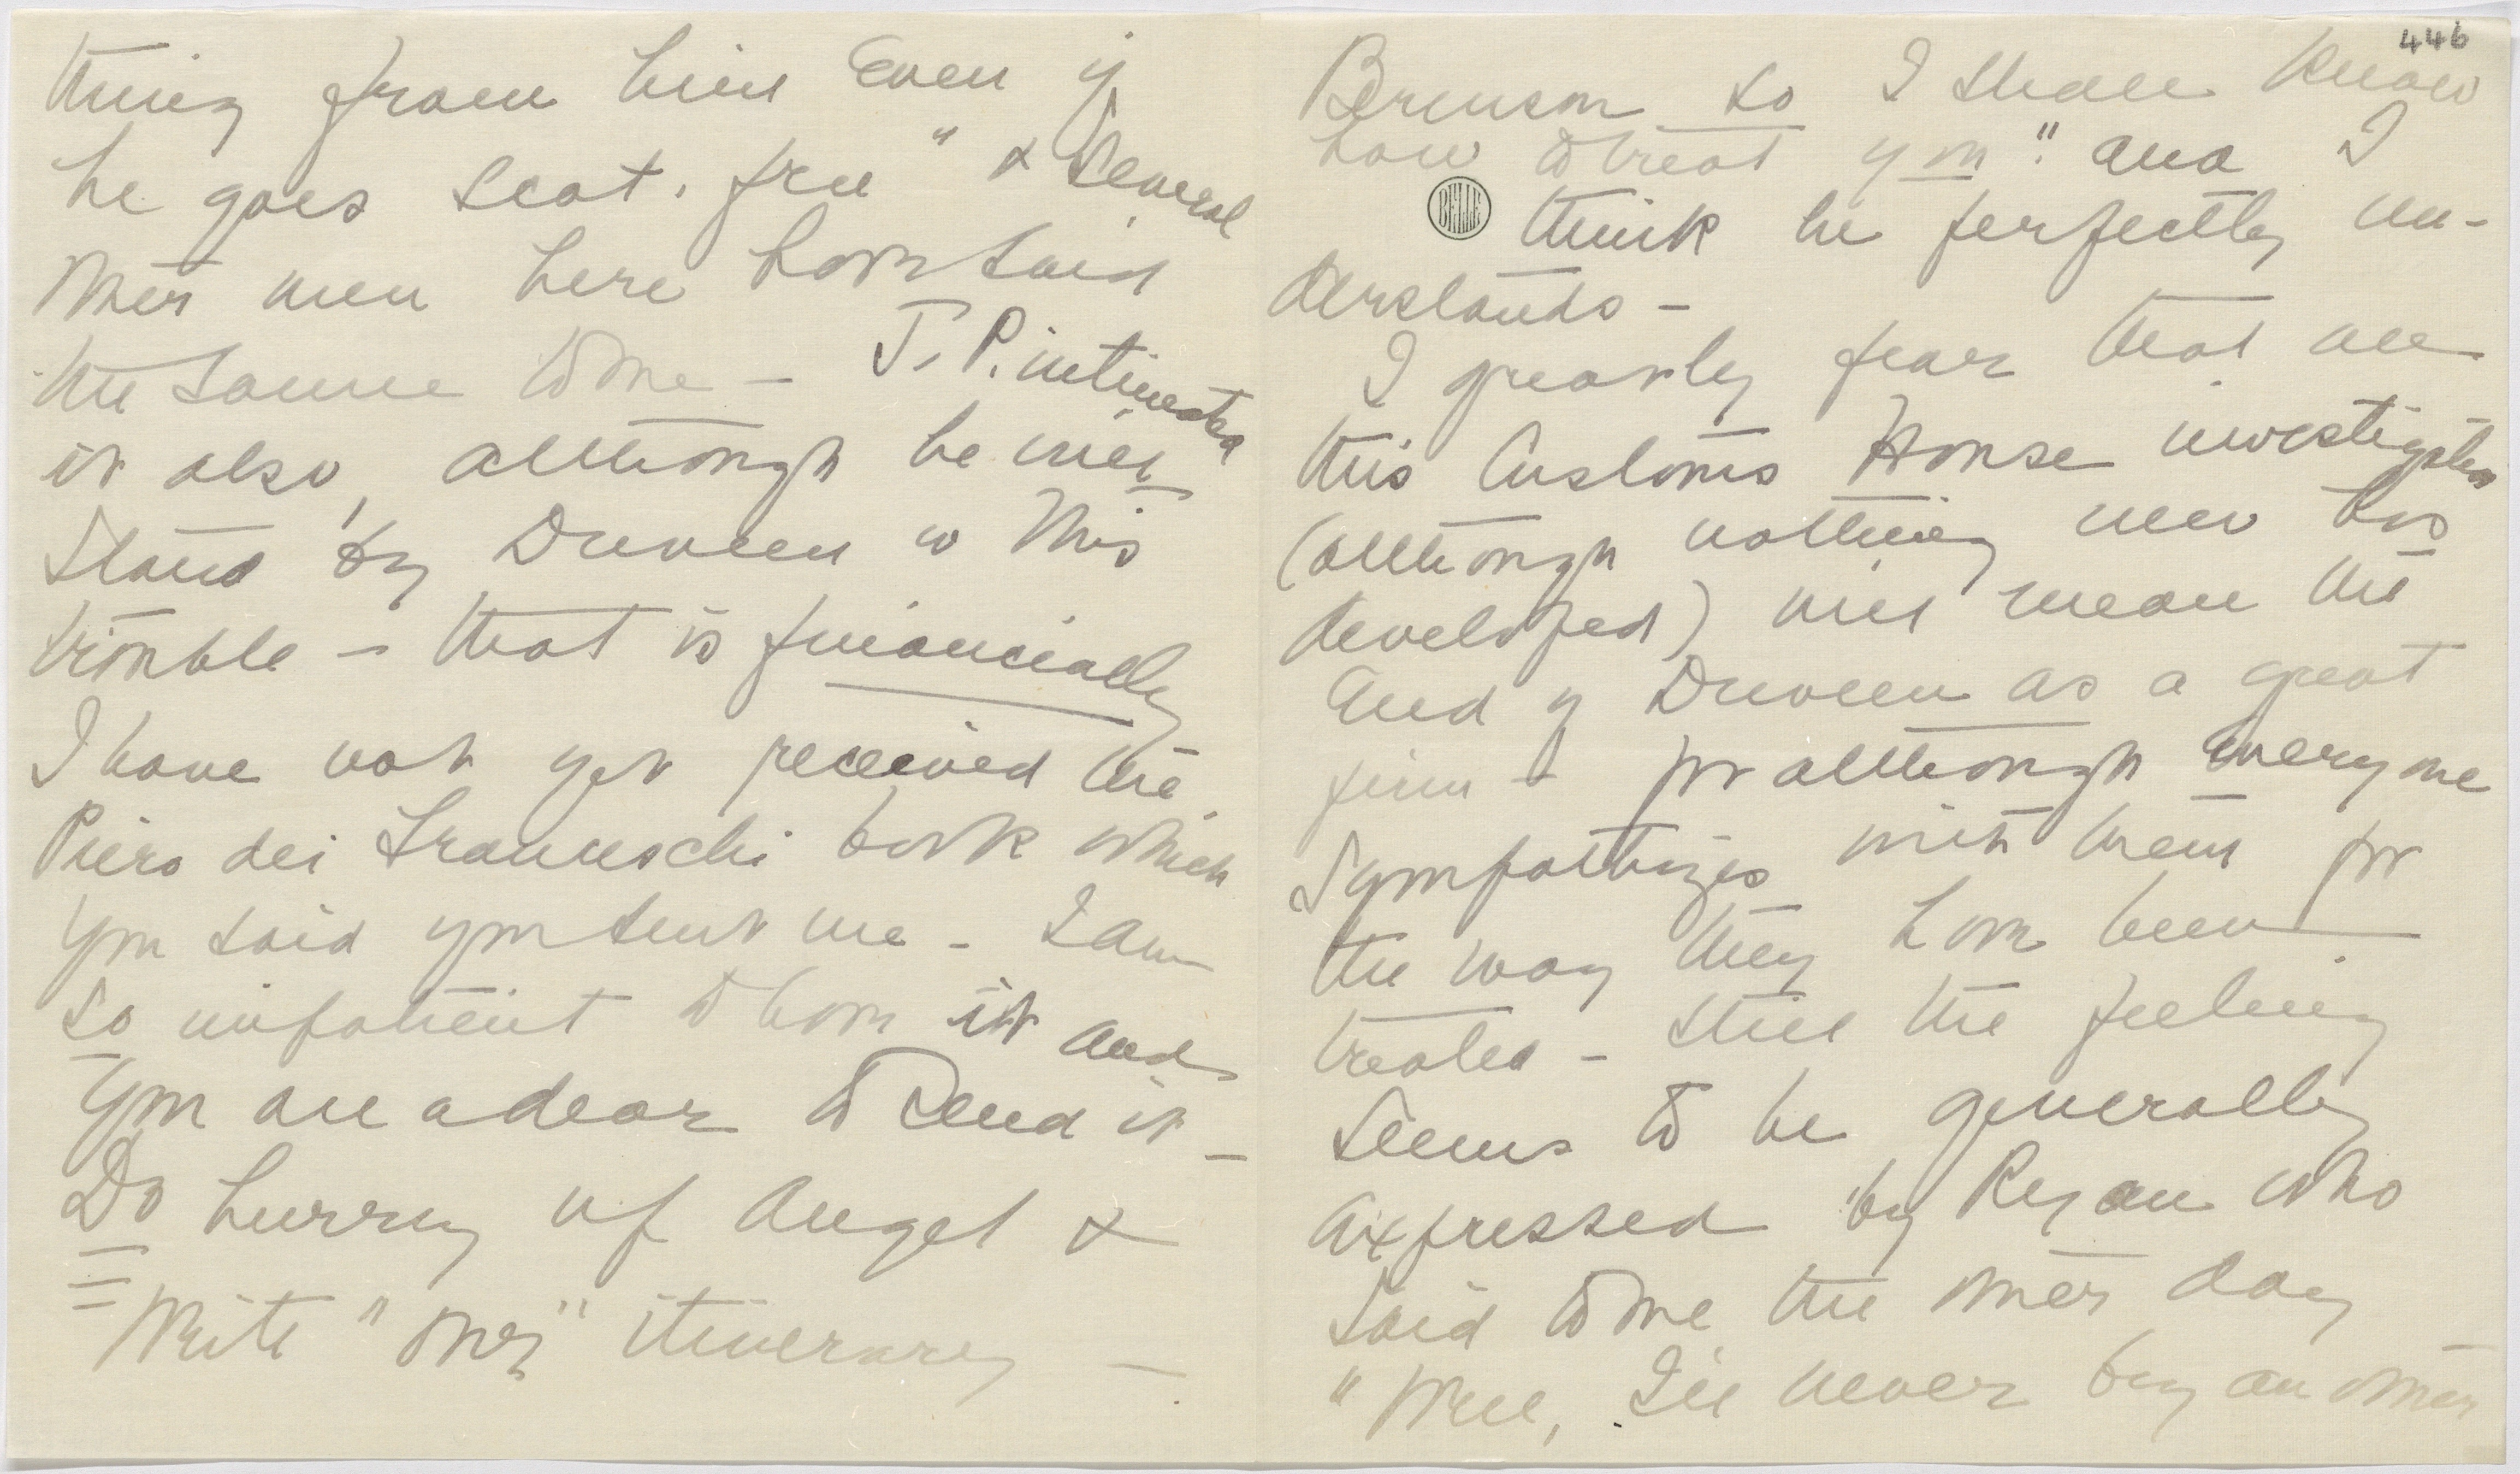Berenson so I shall know how to treat you.” and I think he perfectly understands –
I greatly fear that all this Customs House investigation (although nothing new has developed) will mean the end of Duveen as a great firm – for although ever one sympathizes with them for the way they have been treated – still the feeling seems to be generally expressed by Ryan who said to me the other day “Well, I’ll never buy another
thing from him even if he goes scot-free” & several other men here have said the same to me – J. P. intimated it also, although he will stand by Duveen in this trouble – that is financially I have not yet received the Piero dei Franceschi book which you said you sent me – I am so impatient to have it and you are a dear to send it – [triple underlined: Do] hurry up angel & write “our” itinerary –